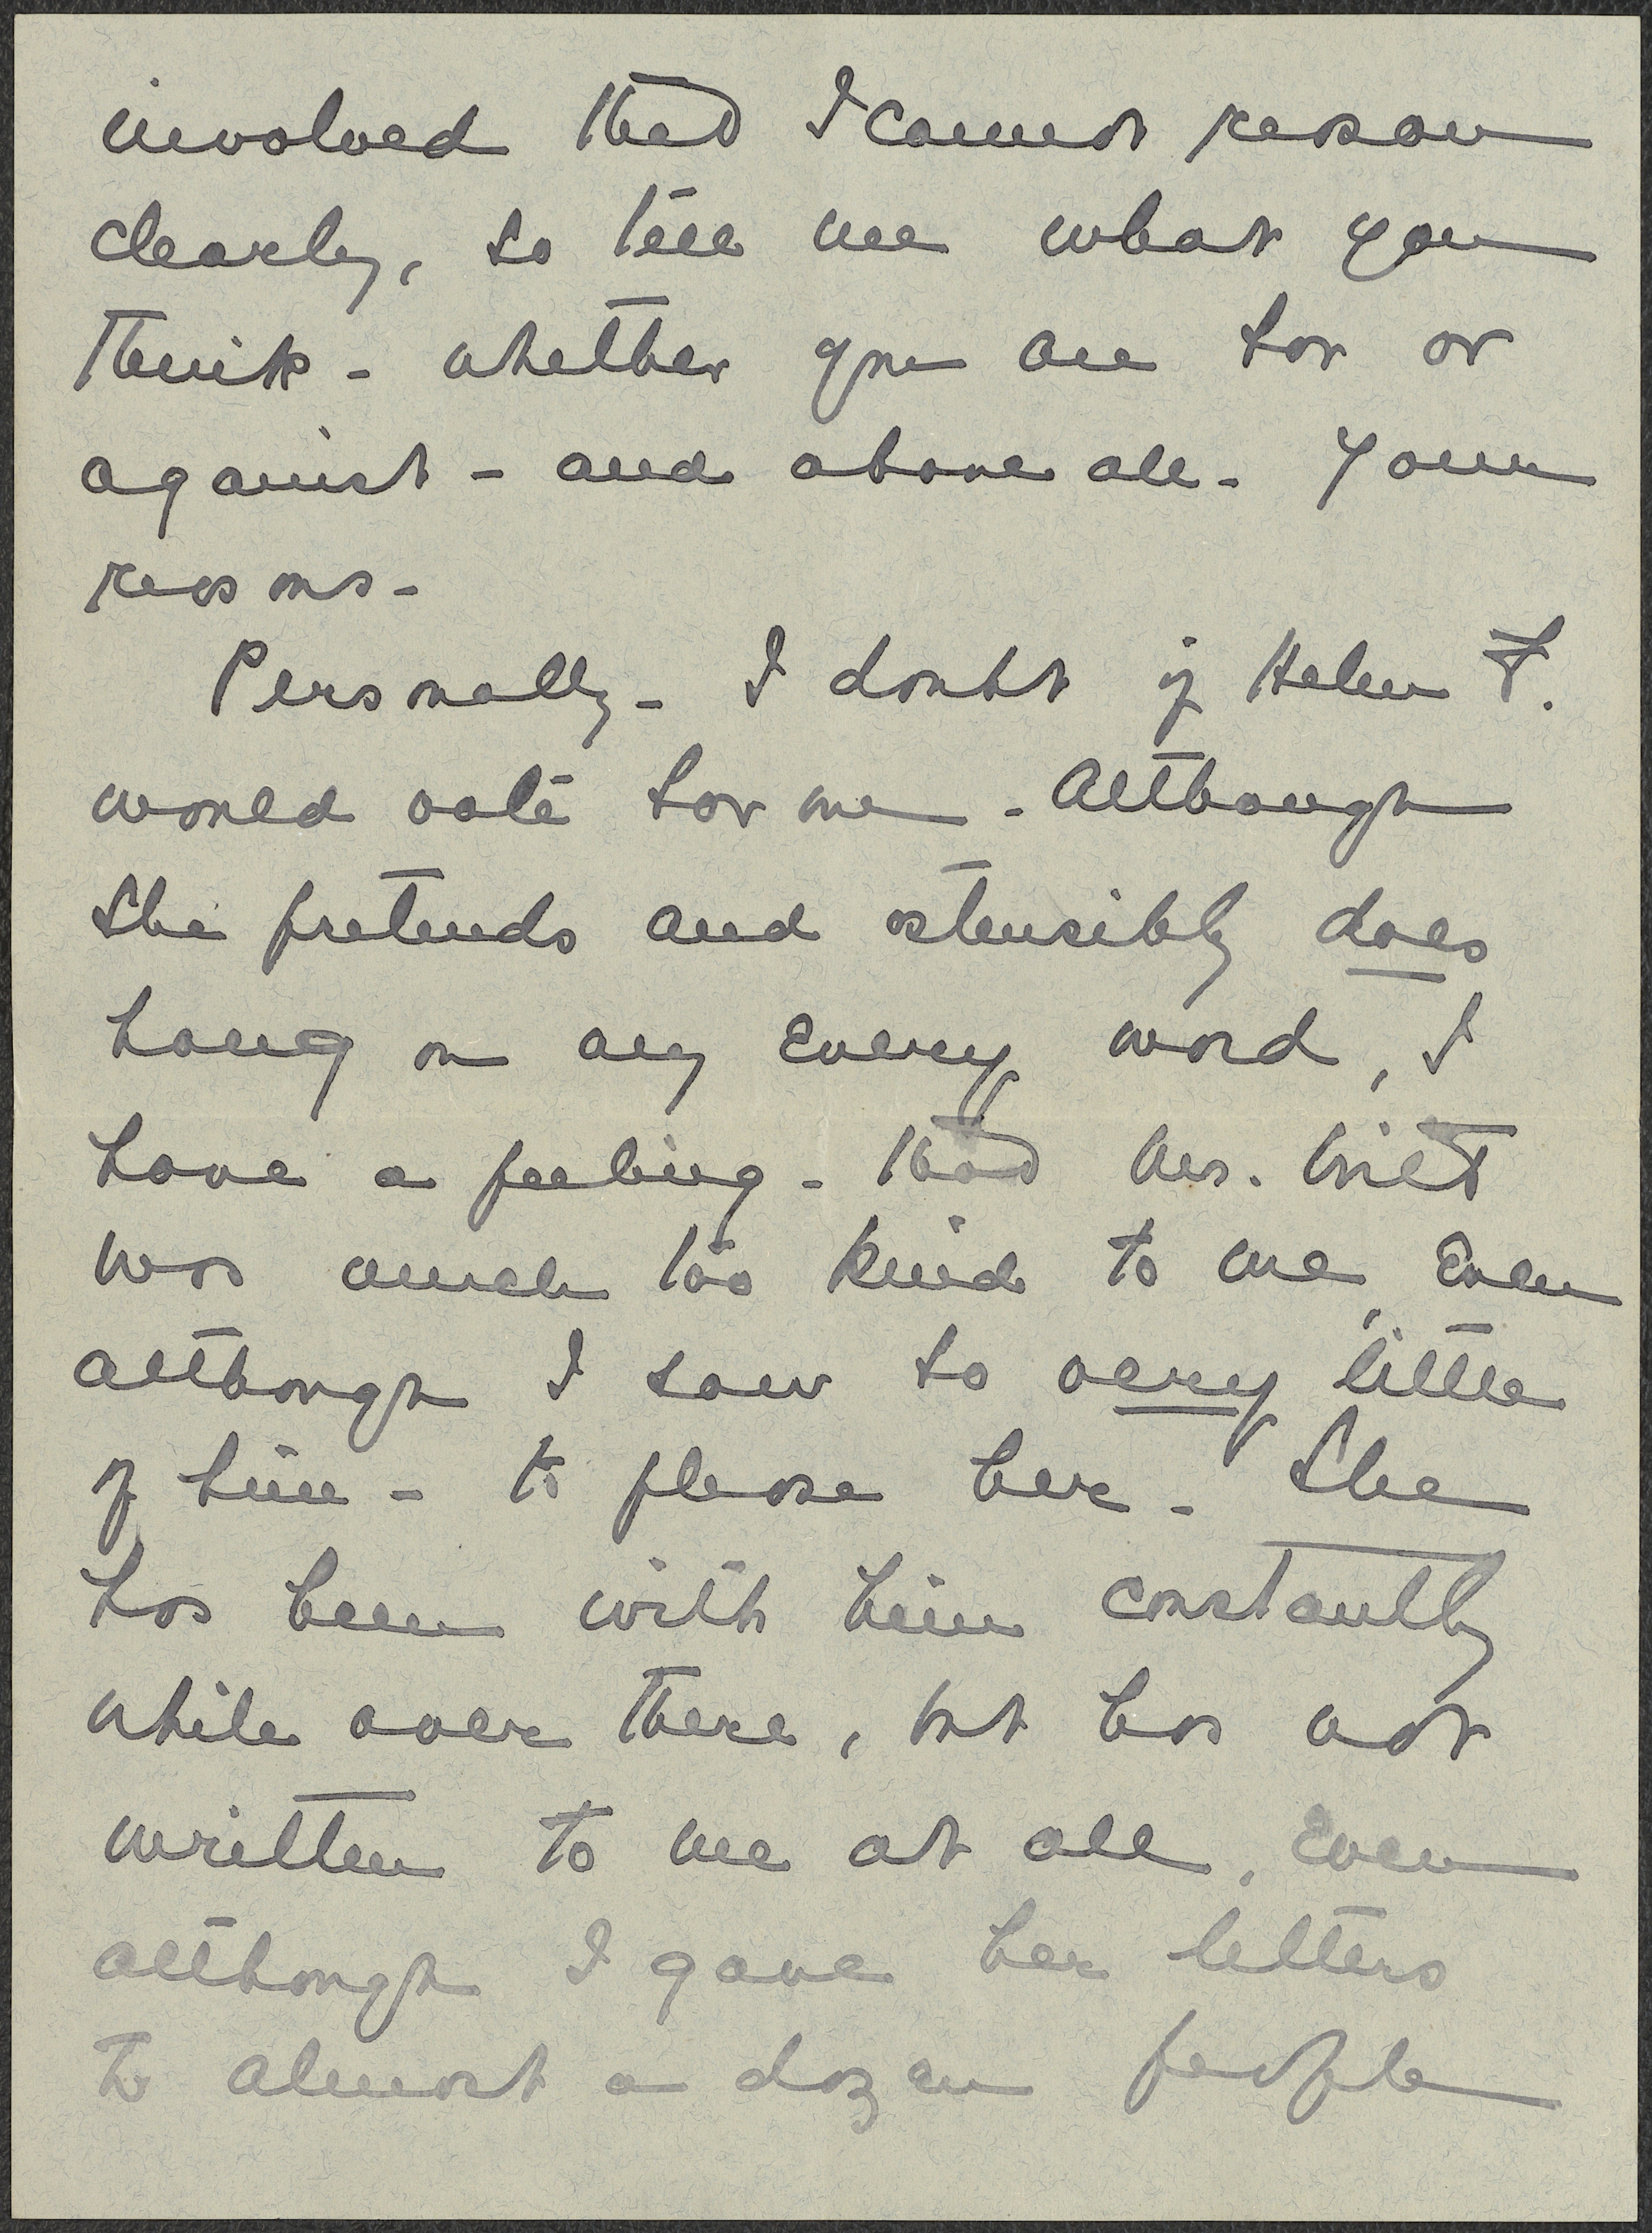involved that I cannot reason clearly, so tell me what you think – whether you are for or against – and above all – Your reasons –
Personally – I doubt if Helen F. would vote for me – Although she pretends and ostensibly does hang on my ever word, I have a feeling – that Mr. Witt was much too kind to me, even although I saw so very little of him – to please her – She has been with him constantly while over there, but has not written to me at all, even although I gave her letters to almost a dozen people